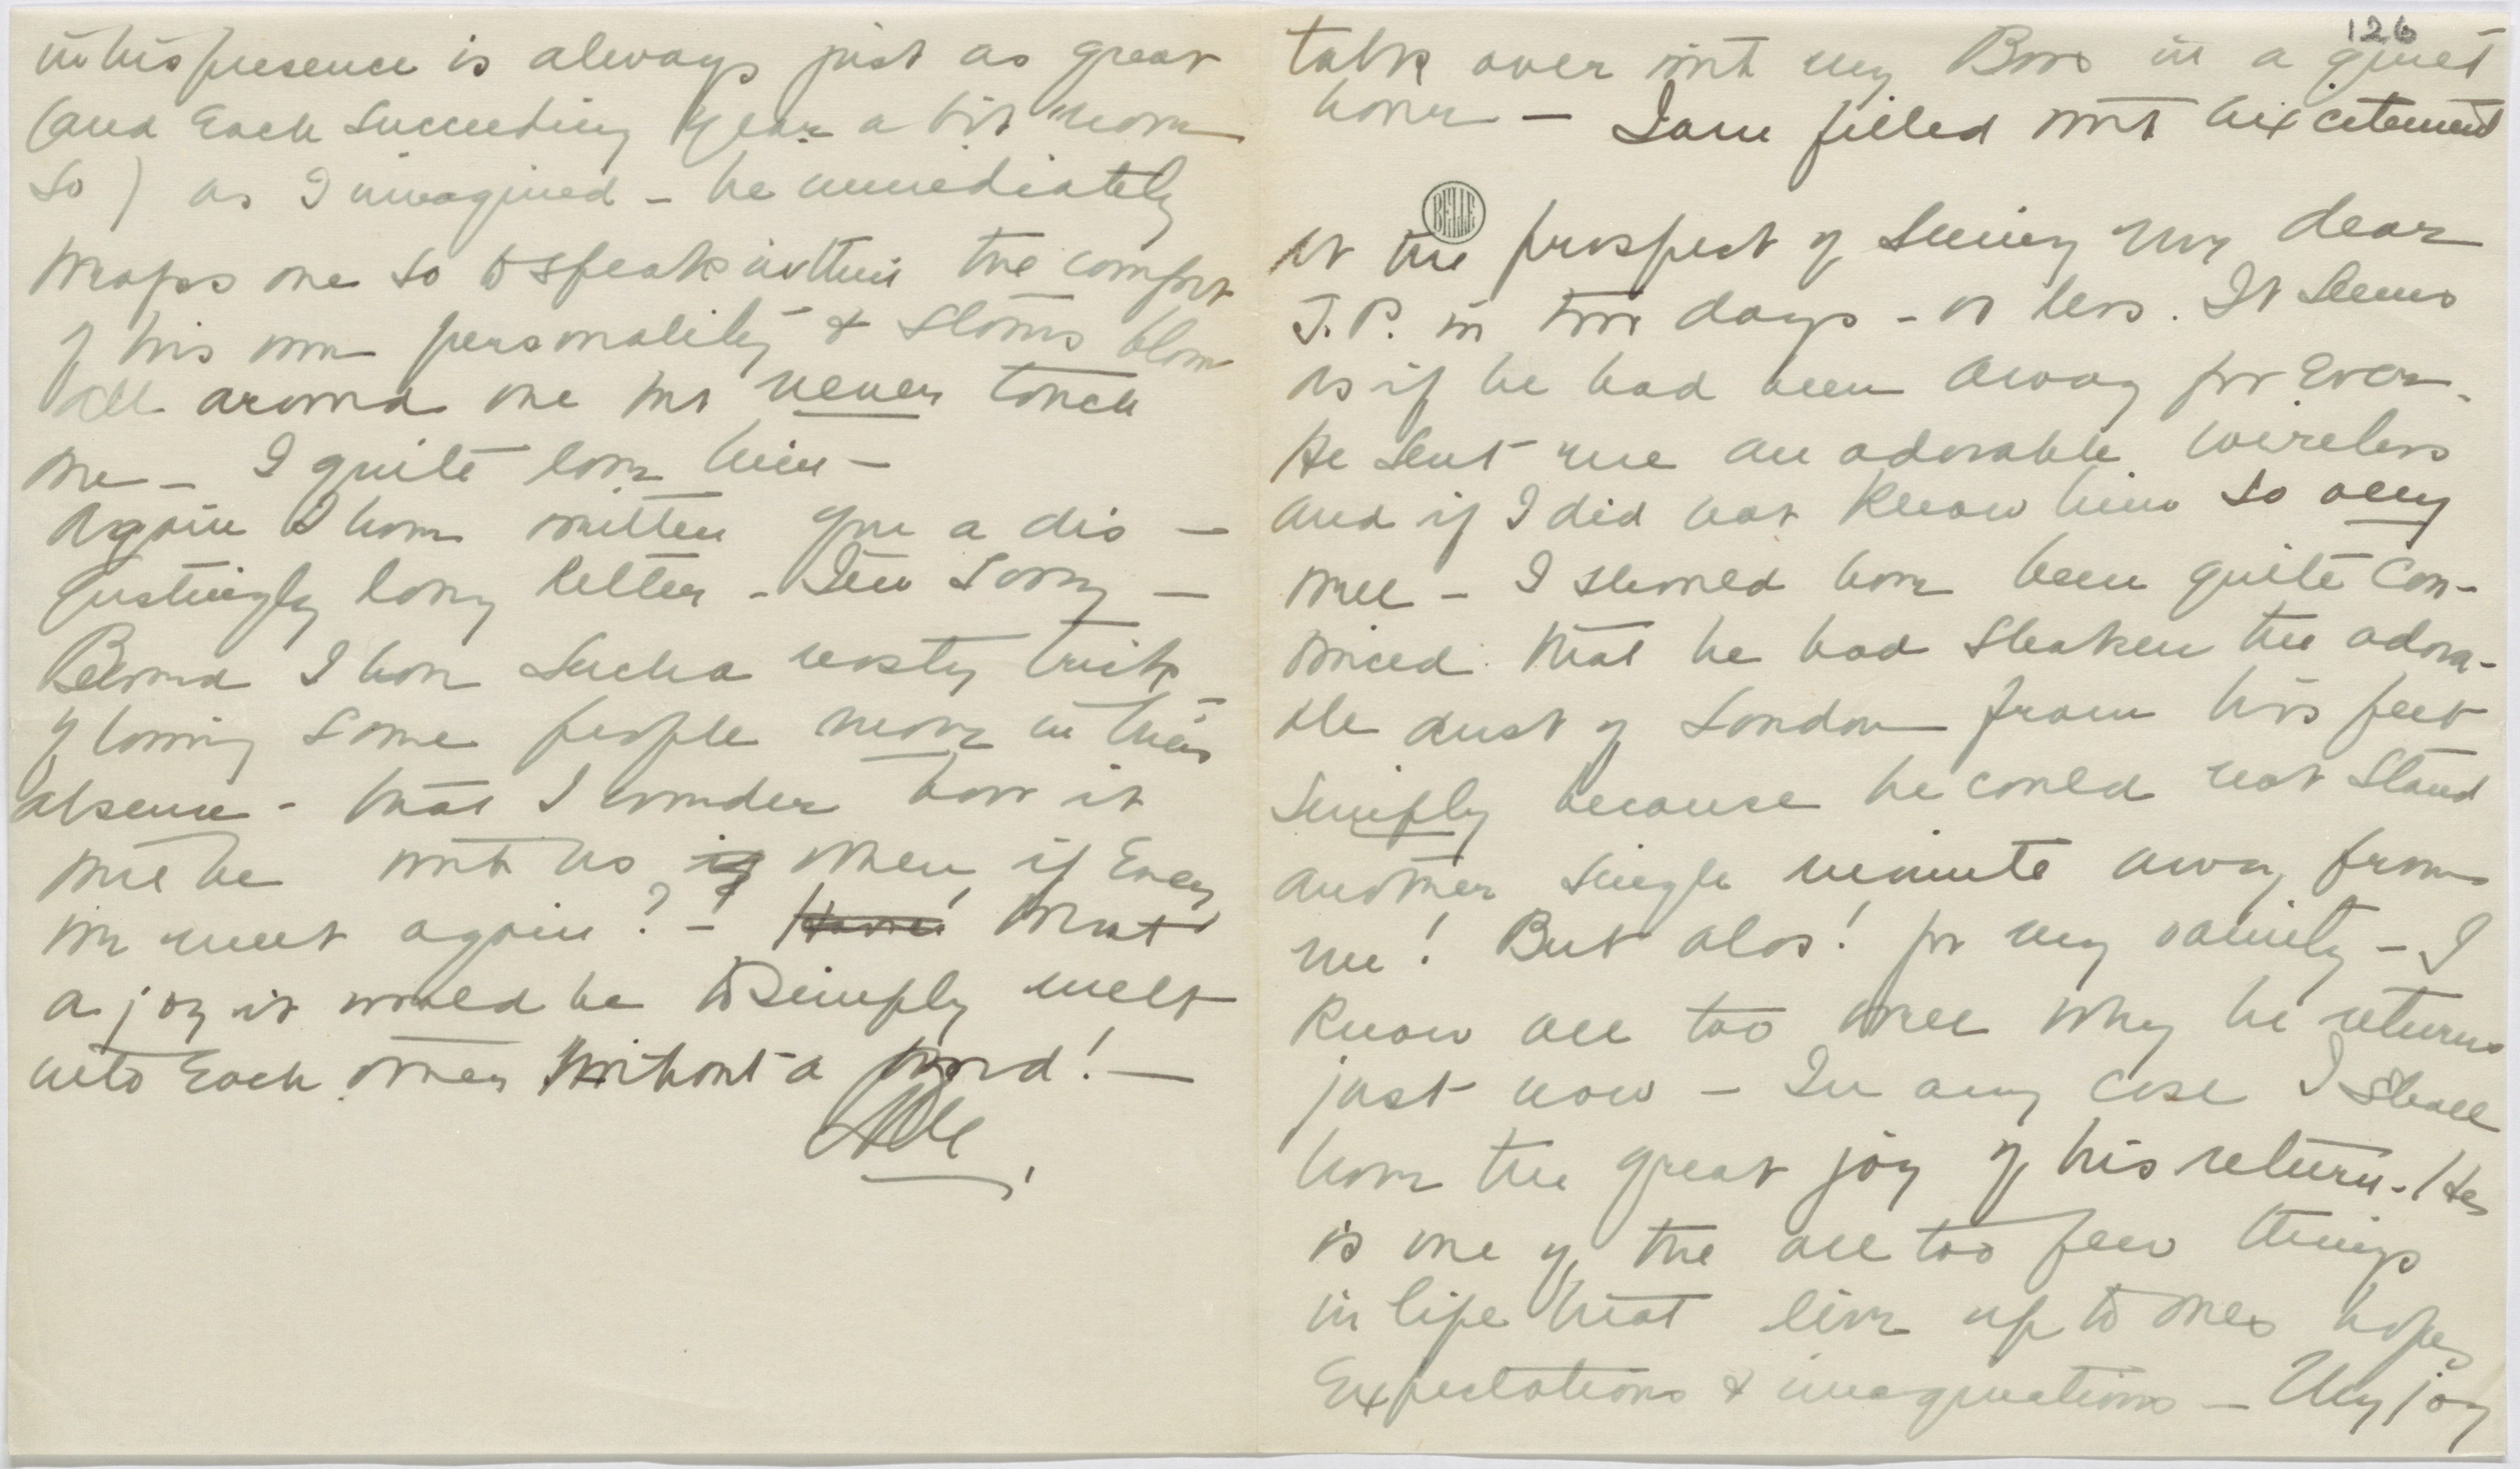talk over with my Boss in a quiet hour – I am filled with excitement at the prospect of seeing my dear J.P. in two days – or less. It seems as if he had been away for ever – He sent me an adorable wireless and if I did not know him so very well – I should have been quite convinced that he had shaken the adorable dust of London from his feet simply because he could not stand another single minute away from me! But alas! for my vanity – I know all too well why he returns just now – In any case I shall have the great joy of his return – He is one of the all too few things in life that live up to ones hopes expectations & imaginations – My joy
in his presence is always just as great (and each succeeding year a bit more so) as I imagined – he immediately wraps one so to speak within the comfort of his own personality & storms blow all around one but never touch one – I quite love him –
Again I have written you a disgustingly long letter – I’m sorry – Beloved I have such a nasty trick of loving some people more in their absence – that I wonder how it will be with us if when, if ever, we meet again? – Have What a joy it would be to simply melt into each other without a word! –
Belle.